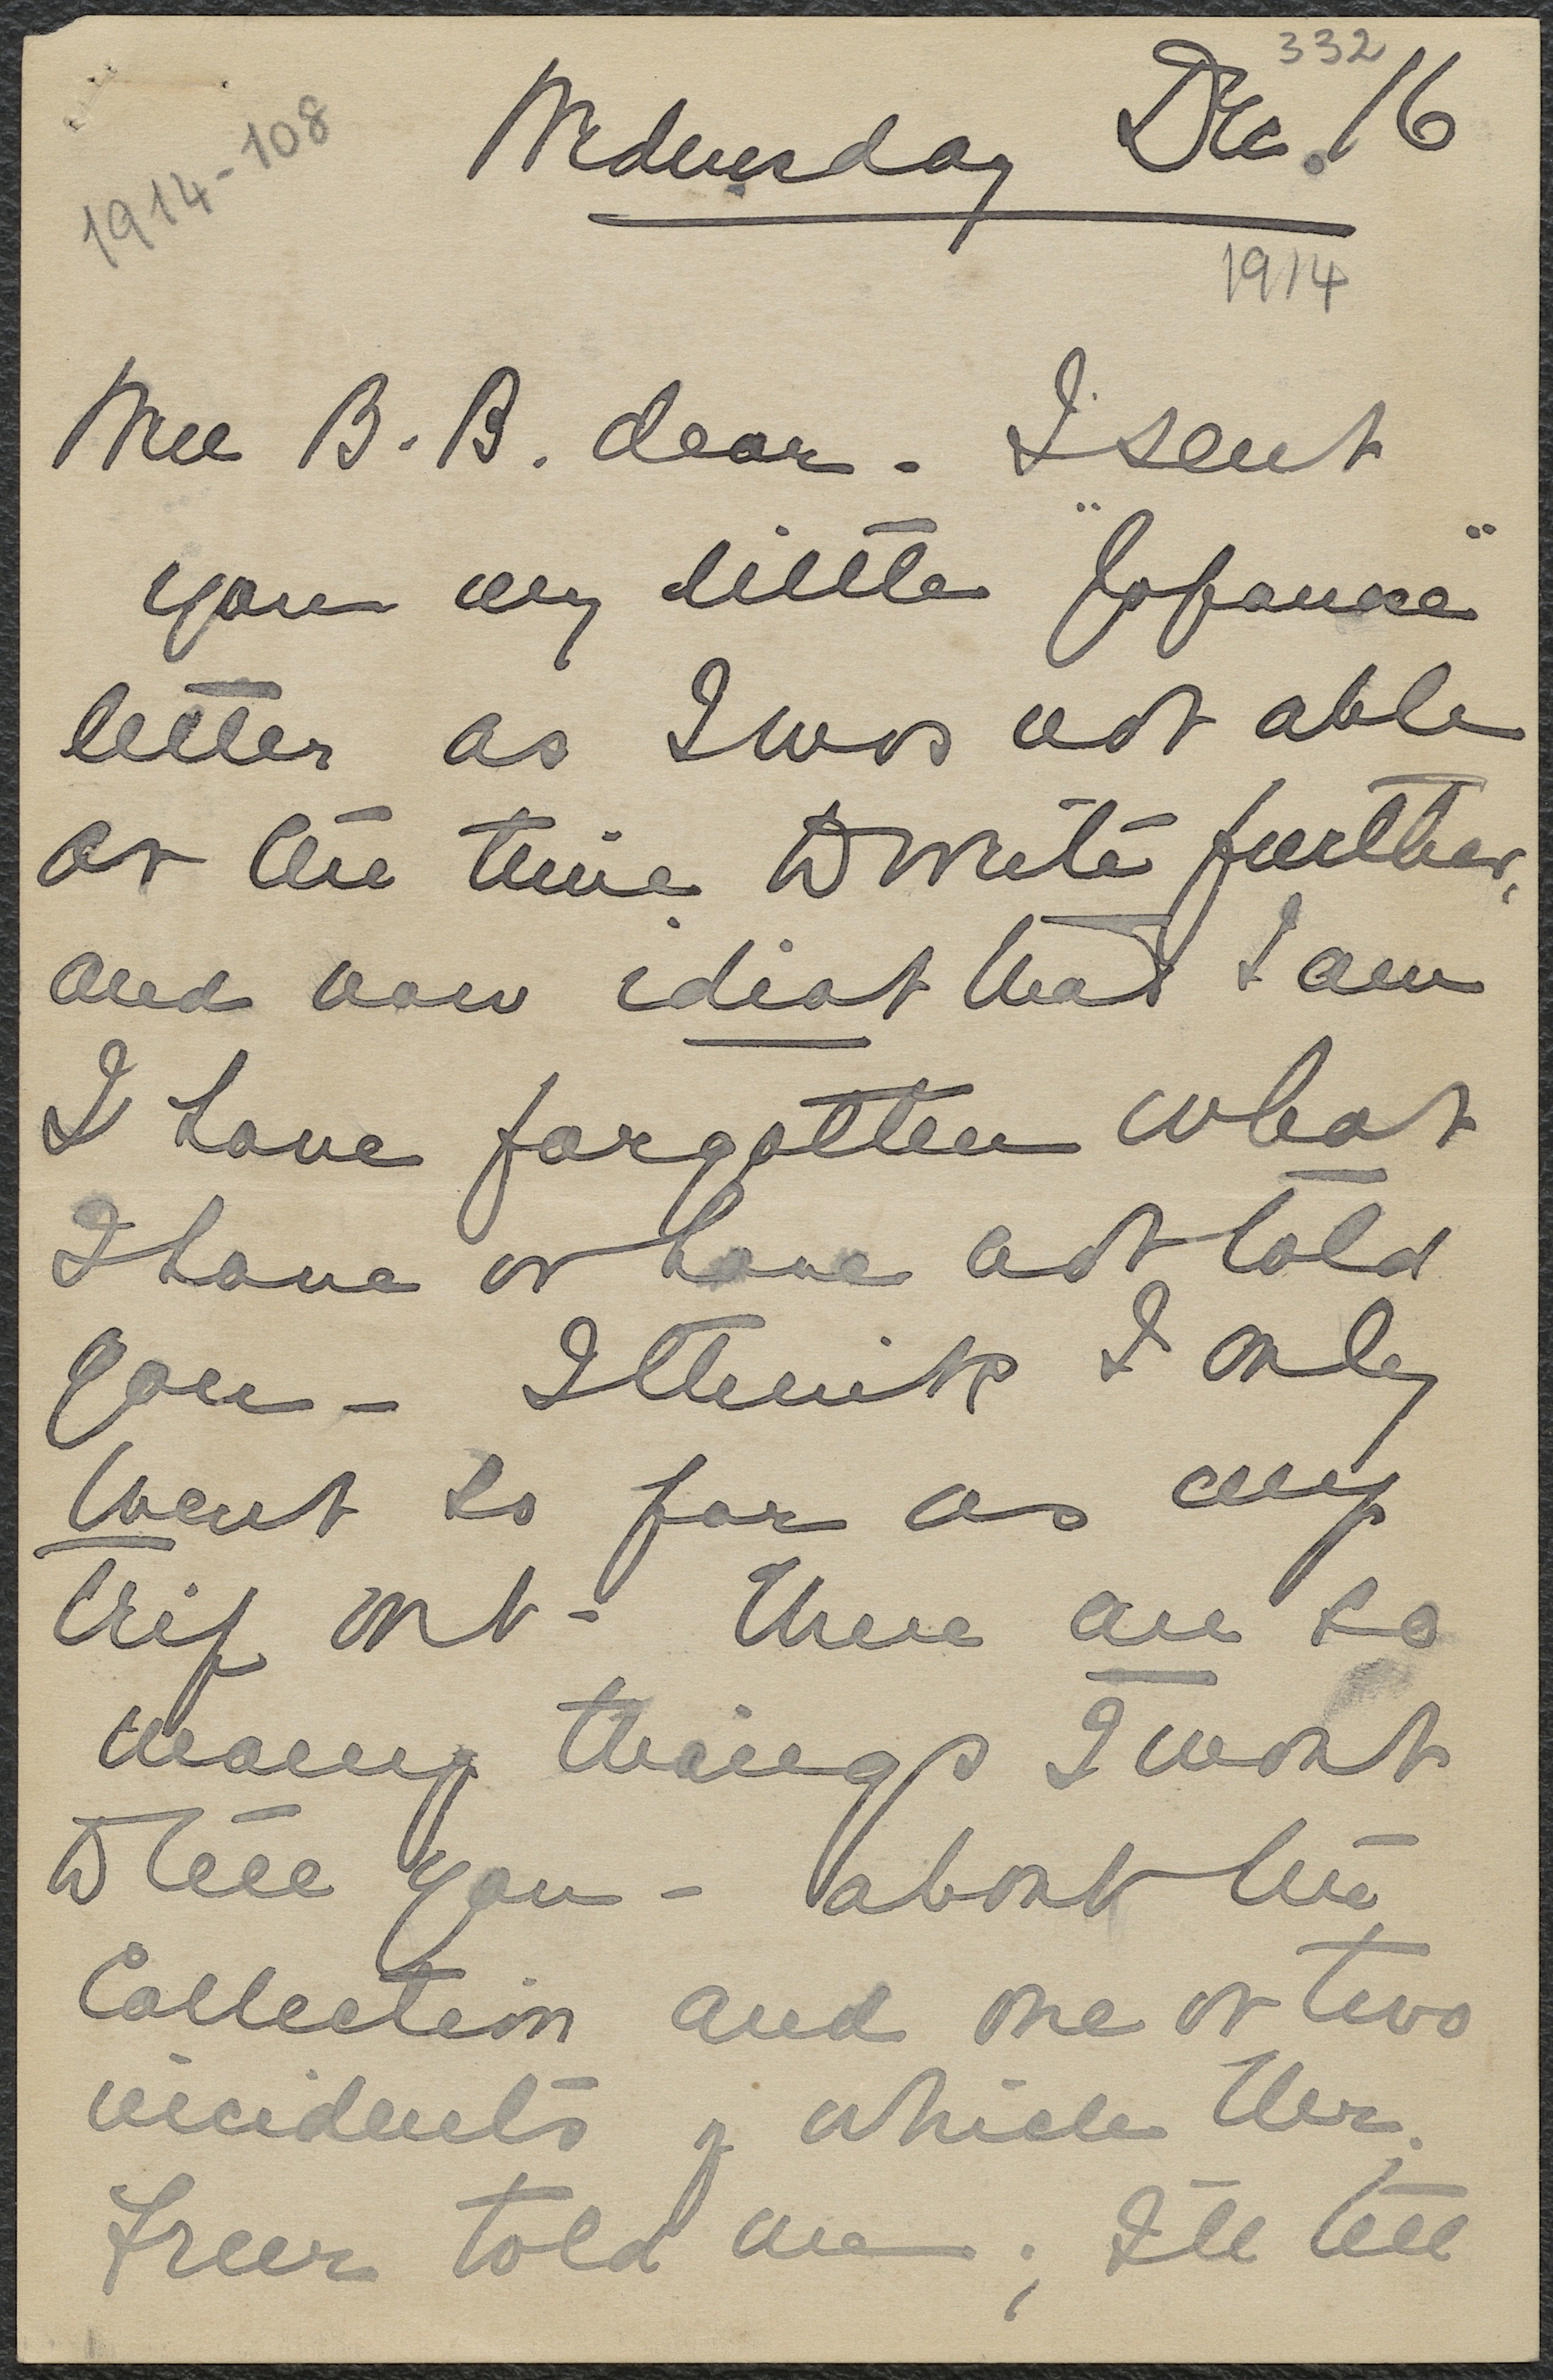Wednesday Dec 16
Well B.B. dear – I sent you my little “Japanese” letter as I was not able at the time to write further, and now idiot that I am I have forgotten what I have or have not told you – I think I only went so far as my trip out – There are so many things I want to tell you – about the collection and one or two incidents of which Mr. Freer told me; I’ll tell